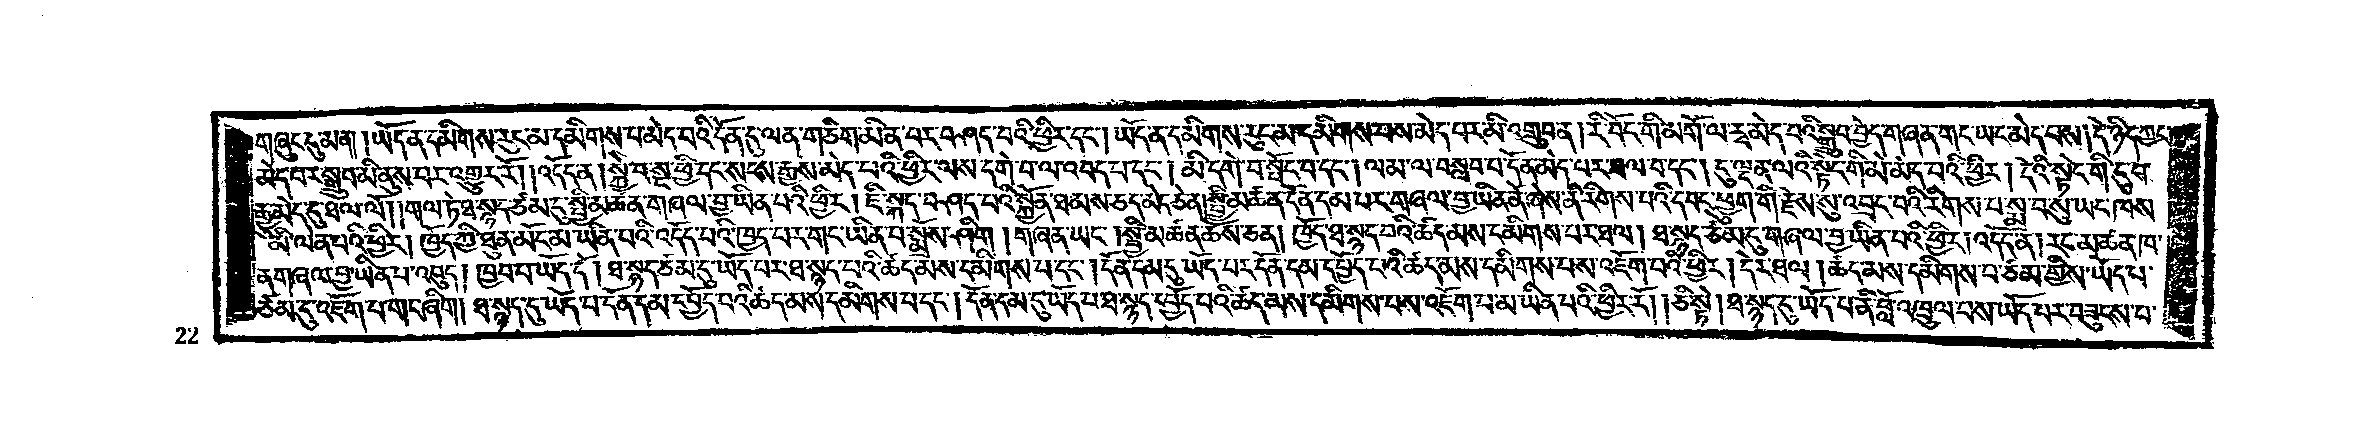གཞུང་དུ་མས། ཡོད་ན་དམིགས་རུང་མ་དམིགས་པ་མེད་པའི་དོན་དུ་ལན་གཅིག་མིན་པར་བཤད་པའི་ཕྱིར་དང་། ཡོད་ན་དམིགས་རུང་མ་དམིགས་པས་མེད་པར་མི་འགྲུབ་ན། རི་བོང་གི་མགོ་ལ་རྭ་མེད་པའི་སྒྲུབ་བྱེད་གཞན་གང་ཡང་མེད་པས། དེ་ཉིད་ཀྱང་
མེད་པར་སྒྲུབ་མི་ནུས་པར་འགྱུར་རོ། །འདོད་ན། སྐྱེ་བ་སྔ་ཕྱི་དང་སངས་རྒྱས་མེད་པའི་ཕྱིར་ལས་དགེ་བ་ལ་འབད་པ་དང་། མི་དགེ་བ་སྤོང་བ་དང་། ལམ་ལ་བསླབ་པ་དོན་མེད་པར་ཐལ་བ་དང་། དུ་ལྡན་ལའི་སྟེང་གི་མེ་མེད་པའི་ཕྱིར། དེའི་སྟེང་གི་དུ་བ་
རྒྱུ་མེད་དུ་ཐལ་ལོ། །གལ་ཏེ་ཐ་སྙད་ཙམ་དུ་སྤྱི་མཚན་གཞལ་བྱ་ཡིན་པའི་ཕྱིར། ཇི་སྐད་བཤད་པའི་སྐྱོན་ཐམས་ཅད་མེད་ཅེ་ན། སྤྱི་མཚན་དོན་དམ་པར་གཞལ་བྱ་ཡིན་ནོ་ཞེས་ནི་རིགས་པའི་དབང་ཕྱུག་གི་རྗེས་སུ་འབྲང་བའི་རིགས་པ་སྨྲ་བ་སུ་ཡང་ཁས་
མི་ལན་པའི་ཕྱིར། ཁྱོད་ཀྱི་ཐུན་མོང་མ་ཡིན་པའི་འདོད་པའི་ཁྱད་པར་གང་ཡིན་པ་སྨོས་ཤིག། གཞན་ཡང་།སྤྱི་མཚན་ཆོས་ཅན། ཁྱོད་ཐ་སྙད་པའི་ཚད་མས་དམིགས་པར་ཐལ། ཐ་སྙད་ཙམ་དུ་གཞལ་བྱ་ཡིན་པའི་ཕྱིར། འདོད་ན། རང་མཚན་ཁོ་
ན་གཞལ་བྱ་ཡིན་པ་འབུད། ཁྱབ་པ་ཡོད་དེ། ཐ་སྙད་ཙམ་དུ་ཡོད་པར་ཐ་སྙད་པའི་ཚད་མས་དམིགས་པ་དང་། དོན་དམ་དུ་ཡོད་པར་དོན་དམ་དཔྱོད་པའི་ཚད་མས་དམིགས་པས་འཇོག་པའི་ཕྱིར། དེར་ཐལ། ཚད་མས་དམིགས་པ་ཙམ་གྱིས་ཡོད་པ་
ཙམ་དུ་འཇོག་པ་གང་ཞིག། ཐ་སྙད་དུ་ཡོད་པ་དོན་དམ་དཔྱོད་པའི་ཚད་མས་དམིགས་པ་དང་། དོན་དམ་དུ་ཡོད་པ་ཐ་སྙད་དཔྱོད་པའི་ཚད་མས་དམིགས་པས་འཇོག་པ་མ་ཡིན་པའི་ཕྱིར་རོ། །ཅི་སྟེ། ཐ་སྙད་དུ་ཡོད་པ་ནི་བློ་འཁྲུལ་པས་ཡོད་པར་བཟུངས་པཔ་